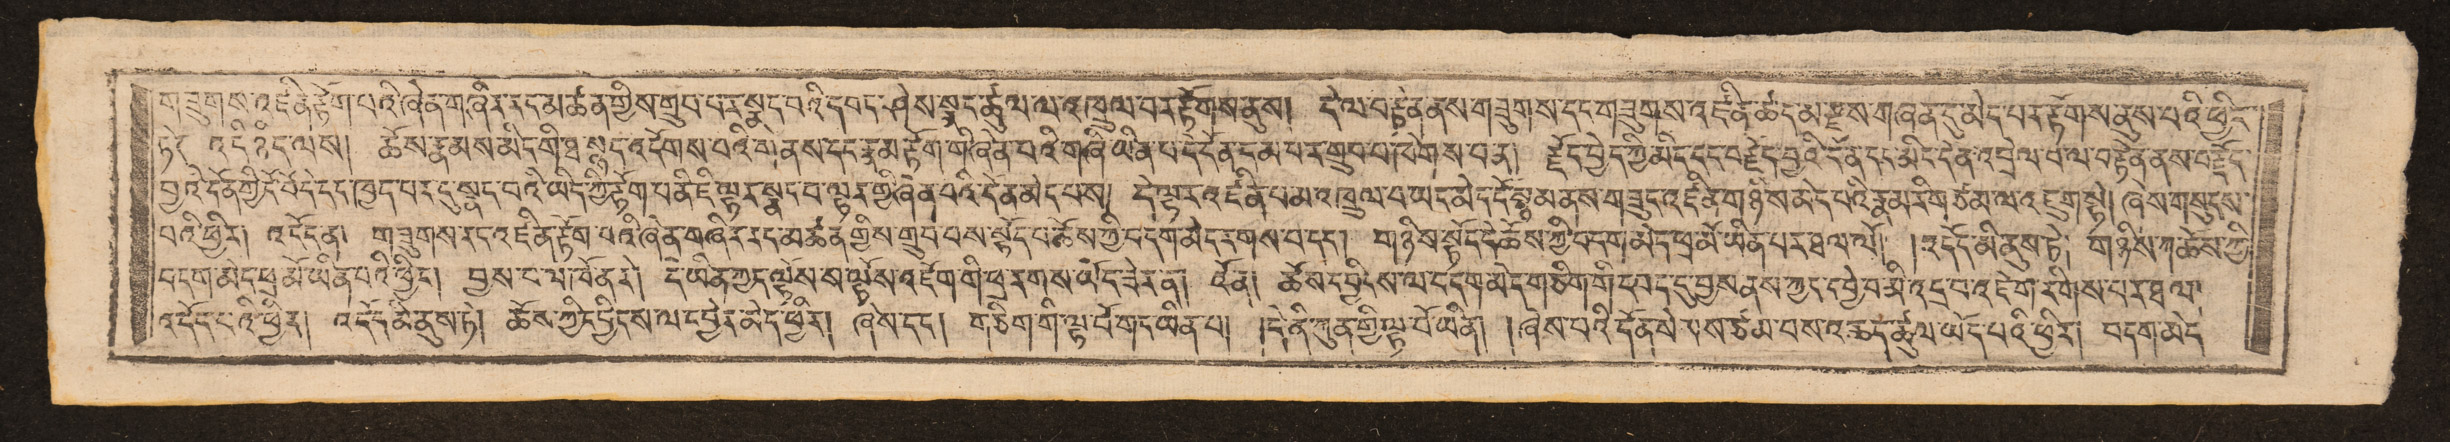གཟུགས་འཛིན་རྟོག་པའི་ཞེན་གཞིར་རང་མཚན་གྱིས་གྲུབ་པར་སྣང་བའི་དབང་ཤེས་སྣང་ཚུལ་ལ་འཁྲུལ་པར་རྟོགས་ནུས། དེ་ལ་བརྟེན་ནས་གཟུགས་དང་གཟུགས་འཛིན་ཚད་མ་རྫས་གཞན་དུ་མེད་པར་རྟོགས་ནུས་པའི་ཕྱིར་
ཏེ། འདི་ཉིད་ལས། ཆོས་རྣམས་མིང་གི་ཐ་སྙད་འདོགས་པའི་གནས་དང་རྣམ་རྟོག་གི་ཞེན་པའི་གཞི་ཡིན་པ་དེ་དོན་དམ་པར་གྲུབ་པ་ཁེགས་པ་ན། རྗོད་བྱེད་ཀྱི་མིང་དང་བརྗོད་བྱའི་དོན་དང་མིང་དོན་འབྲེལ་བ་ལ་བརྟེན་ནས་བརྗོད་
བྱའི་དོན་གྱི་ངོ་བོ་དེ་དང་ཁྱད་པར་དུ་སྣང་བའི་ཡིད་ཀྱི་རྟོག་པ་ནི་ཇི་ལྟར་སྣང་བ་ལྟར་གྱི་ཞེན་པའི་དོན་མེད་པས། དེ་ལྟར་འཛིན་པ་མ་འཁྲུལ་བ་ཡང་མེད་དོ་སྙམ་ནས་གཟུང་འཛིན་གཉིས་མེད་པའི་རྣམ་རིག་ཙམ་ལ་འཇུག་སྟེ། ཞེས་གསུངས་
པའི་ཕྱིར། འདོད་ན། གཟུགས་རང་འཛིན་རྟོག་པའི་ཞེན་གཞིར་རང་མཚན་གྱིས་གྲུབ་པས་སྟོང་པ་ཆོས་ཀྱི་བདག་མེད་རགས་པ་དང་། གཉིས་སྟོད་དེ་ཆོས་ཀྱི་བདག་མེད་ཕྲ་མོ་ཡིན་པར་ཐལ་ལོ། །འདོད་མི་ནུས་ཏེ། གཉིས་ཀ་ཆོས་ཀྱི་
བདག་མེད་ཕྲ་མོ་ཡིན་པའི་ཕྱིར། བྱས་པ་ལ་ཁོ་ན་རེ། དེ་ཡིན་ཀྱང་ལྟོས་ས་ལྟོས་འཇོག་གི་ཕྲ་རགས་ཡོད་ཟེར་ན། འོ་ན། ཆོས་དབྱིངས་ལ་བདག་མེད་གཅིག་གི་དབང་དུ་བྱས་ནས་ཀྱང་དབྱེ་བ་མི་འདྲ་བ་འཇོག་རིགས་པར་ཐལ།
འདོད་པའི་ཕྱིར། འདོད་མི་ནུས་ཏེ། ཆོས་ཀྱི་དབྱིངས་ལ་དབྱེར་མེད་ཕྱིར། ཞེས་དང་། གཅིག་གི་ལྟ་བོ་གང་ཡིན་པ། །དེ་ནི་ཀུན་གྱི་ལྟ་བོ་ཡིན། །ཞེས་པའི་དོན་སེམས་ཙམ་པས་འཆད་ཚུལ་ཡོད་པའི་ཕྱིར། བདག་མེད་